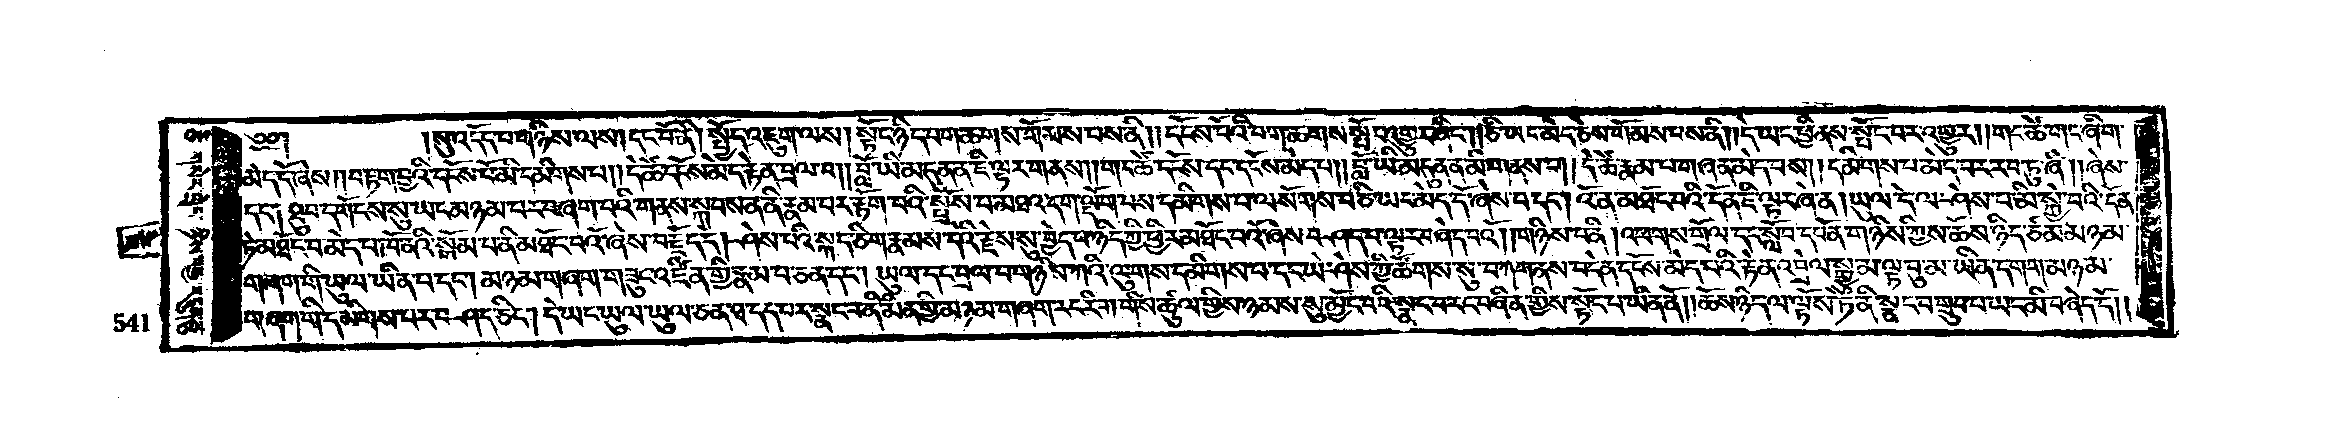༄༅། །སུ་འདོད་པ་གཉིས་ལས། དང་པོ་ནི། སྤྱོད་འཇུག་ལས། སྟོང་ཉིད་བག་ཆགས་གོམས་པས་ནི། །དངོས་པོའི་བག་ཆགས་སྤོང་འགྱུར་ཞིང་། །ཅི་ཡང་མེད་ཅེས་གོམས་པས་ནི། །དེ་ཡང་ཕྱི་ནས་སྤོང་བར་འགྱུར། །གང་ཚེ་གང་ཞིག་
མེད་དོ་ཞེས། །བརྟག་བྱའི་དངོས་པོ་མི་དམིགས་པ། །དེ་ཚེ་དངོས་མེད་རྟེན་བྲལ་བ། །བློ་ཡི་མདུན་ན་ཇི་ལྟར་གནས། །གང་ཚེ་དངོས་དང་དངོས་མེད་པ། །བློ་ཡི་མདུན་ན་མི་གནས་པ། །དེ་ཚེ་རྣམ་པ་གཞན་མེད་པས། །དམིགས་པ་མེད་པར་རབ་ཏུ་ཞི། །ཞེས་
དང་། ཐུབ་དགོངས་སུ་ཡང་མཉམ་པར་བཞག་པའི་གནས་སྐབས་ན་ནི་རྣམ་པར་རྟོག་པའི་སྤྲོས་པ་མཐའ་དག་ལྡོག་པས་དམིགས་པ་ལ་སོགས་པ་ཅི་ཡང་མེད་དོ་ཞེས་པ་དང་། འོ་ན་མཐོང་བའི་དོན་ཇི་ལྟར་ཞེ་ན། ཡུལ་དེ་ལ་ཤེས་པ་མི་སྐྱེ་བའི་དོན་
ཏེ་མཐོང་བ་མེད་པ་ཁོ་ནའི་སྒོམ་པ་ནི་མཐོང་བའོ་ཞེས་བརྗོད་དོ། ཤེས་པའི་སྐད་ཅིག་རྣམས་དེའི་རྗེས་སུ་བྱེད་པ་ཉིད་ཀྱི་ཕྱིར་མཐོང་བའོ་ཞེས་བཤད་པ་ལྟར་བཞེད་པའོ། །གཉིས་པ་ནི། འཕགས་གྲོལ་དང་སློབ་དཔོན་གཉིས་ཀྱིས་ཆོས་ཉིད་ཙམ་མཉམ་
གཞག་གི་ཡུལ་ཡིན་པ་དང་། མཉམ་གཞག་གཟུང་འཛིན་གྱི་རྣམ་པ་ཅན་དང་། ཡུལ་དང་བྲལ་བ་གཉིས་ཀའི་ལུགས་དམིགས་པ་དང་ཡེ་ཤེས་ཀྱི་ཚོགས་སུ་བཀག་ནས་བདེན་དངོས་མེད་པའི་རྟེན་འབྲེལ་སྒྱུ་མ་ལྟ་བུ་མ་ཡིན་དགག་མཉམ་
གཞག་གི་དམིགས་པར་བཤད་ཅིང་། དེ་ཡང་ཡུལ་ཡུལ་ཅན་ཐ་དད་པར་སྣང་བ་ནི་མིན་གྱི་མཉམ་གཞག་རང་རིག་གིས་ཚུལ་གྱིས་ཉམས་སུ་མྱོང་བའི་སྣང་བ་རང་བཞིན་གྱིས་སྟོང་པ་ཡིན་ནོ། །ཆོས་ཉིད་ལ་ལྟོས་ཏེ་ནི་སྣང་བ་གྲུབ་པ་ཡང་མི་བཞེད་དོ། །